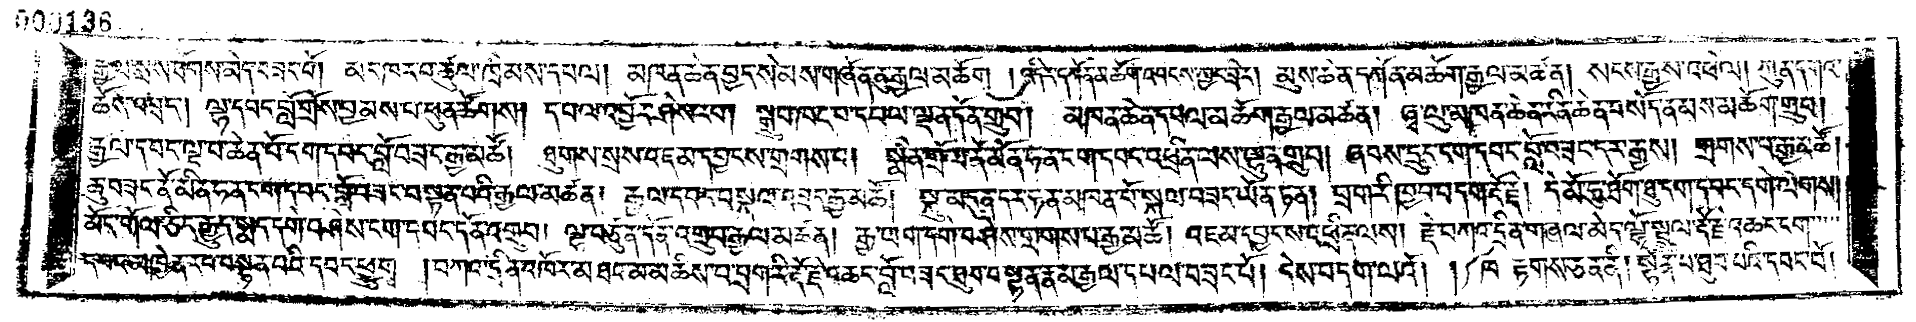རྒྱལ་སྲས་ཐོགས་མེད་བཟང་པོ། མང་ཁར་བ་ཚུལ་ཁྲིམས་དཔལ། མཁན་ཆེན་བྱང་སེམས་གཞོན་ནུ་རྒྱལ་མཆོག་།འདིར་དཀོན་མཆོག་འབངས་ཀྱང་ཟེར།  མུས་ཆེན་དཀོན་མཆོག་རྒྱལ་མཚན། སངས་རྒྱས་འཕེལ། ཀུན་དགའ་
ཆོས་བཟང་། ལྷ་དབང་བློ་གྲོས་བྱམས་པ་ཕུན་ཚོགས། དཔལ་འབྱོར་ཤེས་རབ། སྒྲུབ་ཁང་བ་དཔལ་ལྡན་དོན་གྲུབ། མཁན་ཆེན་དཔལ་མཆོག་རྒྱལ་མཚན། ཞྭ་ལུ་མཁན་ཆེན་རིན་ཆེན་བསོད་ནམས་མཆོག་གྲུབ།
རྒྱལ་དབང་ལྔ་པ་ཆེན་པོ་ངག་དབང་བློ་བཟང་རྒྱ་མཚོ། ཐུགས་སྲས་འཇམ་དབྱངས་གྲགས་པ། སྨིན་གྲོལ་ནོ་མོན་ཧན་ངག་དབང་འཕྲིན་ལས་ལྷུན་གྲུབ། ཞབས་དྲུང་ངག་དབང་བློ་བཟང་དར་རྒྱས། གྲགས་པ་རྒྱ་མཚོ།
ཆུ་བཟང་ནོ་མིན་ཧན་ངག་དབང་བློ་བཟང་བསྟན་པའི་རྒྱལ་མཚན། རྒྱལ་དབང་བསྐལ་བཟང་རྒྱ་མཚོ། སྐུ་མདུན་དར་ཧན་མཁན་པོ་སྐལ་བཟང་ཡོན་ཏན། བྲག་རི་ཁྱབ་བདག་རྡོ་རྗེ། དེ་མོ་ཧུ་ཐོག་ཐུ་ངག་དབང་དགེ་ལེགས།
མོང་གོལ་ཅིང་རྒྱུད་སྨད་དགེ་བཤེས་ངག་དབང་དོན་འགྲུབ། ལྷ་བཙུན་དོན་འགྲུབ་རྒྱལ་མཚན། རྒྱ་ཡག་དགེ་བཤེས་གྲགས་པ་རྒྱ་མཚོ། འཇམ་དབྱངས་འཕྲིན་ལས། རྗེ་བཀའ་དྲིན་གཞལ་མེད་ལྷོ་སྦྲུལ་རྡོ་རྗེ་འཆང་ངག་
དབང་མཁྱེན་རབ་བསྟན་པའི་དབང་ཕྱུག །བཀའ་དྲིན་འཁོར་མཐའ་མ་མཆིས་པ་བྲག་རི་རྡོ་རྗེ་འཆང་བློ་བཟང་ཐུབ་བསྟན་རྣམ་རྒྱལ་དཔལ་བཟང་པོ། དེས་བདག་ལའོ། །༼ཁ༽ རྟགས་ཅན་ནི་སྟོན་པ་ཐུབ་པའི་དབང་བོ།